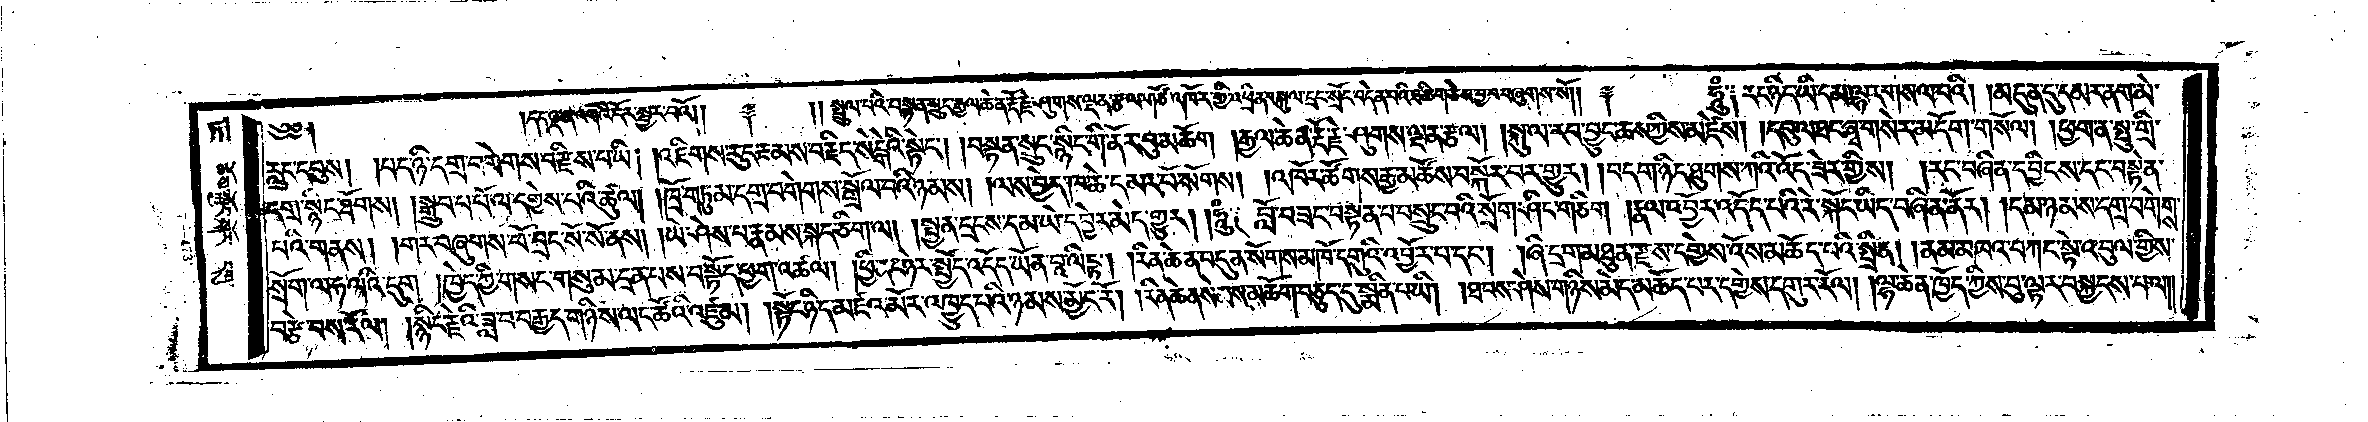༄༅། །དད་ལྡན་འགའི་ངོར་སྦྱར་བའོ།། ༈ །།སྤྲུལ་པའི་བསྟན་སྲུང་རྒྱལ་ཆེན་རྡོ་རྗེ་ཤུགས་ལྡན་རྩལ་གཙོ་འཁོར་གྱི་འཕྲིན་བསྐུལ་དྲང་སྲོང་བདེན་པའི་ཐ་ཚིག་ཅེས་བྱ་བ་བཞུགས་སོ།།  ༈ ཧཱུཾ༑ རང་ཉིད་ཡི་དམ་ལྷར་གསལ་བའི། །མདུན་དུ་དམར་ནག་མེ་
རླུང་དབུས། །པད་ཉི་དགྲ་བགེགས་བརྫིས་པ་ཡི། །འཇིགས་རུང་རྔམས་བརྗིད་སེངྒེའི་སྟེང་། །བསྟན་སྲུང་སྙིང་གི་ནོར་བུ་མཆོག །རྒྱལ་ཆེན་རྡོ་རྗེ་ཤུགས་ལྡན་རྩལ། །སྐུ་ལ་རབ་བྱུང་ཆས་ཀྱིས་མཛེས། །དབུ་ལ་ཐང་ཞྭ་གསེར་མདོག་གསོལ། །ཕྱག་ན་སྦུ་གྲི་
དགྲ་སྙིང་ཐོགས། །སྒྲུབ་པ་པོ་ལ་དགྱེས་པའི་ཚུལ། །ཁྲོ་གཏུམ་དགྲ་བགེགས་སྒྲོལ་བའི་ཉམས། །ལས་བྱེད་ཁ་ཆེ་དམར་པོ་སོགས། །འཁོར་ཚོགས་རྒྱ་མཚོས་བསྐོར་བར་གྱུར། །བདག་ཉིད་ཐུགས་ཀའི་འོད་ཟེར་གྱིས། །རང་བཞིན་དབྱིངས་དང་བསྟེན་
པའི་གནས། །གར་བཞུགས་ཕོ་བྲང་སོ་སོ་ནས། །ཡེ་ཤེས་པ་རྣམས་སྐད་ཅིག་ལ། །སྤྱན་དྲངས་དམ་ཡེ་དབྱེར་མེད་གྱུར། །ཧཱུཾ༑ བློ་བཟང་བསྟན་པ་བསྲུང་པའི་སྲོག་ཤིང་གཅིག །རྣལ་འབྱོར་འདོད་པའི་རེ་སྐོང་ཡིད་བཞིན་ནོར། །དམ་ཉམས་དཀྲ་བགེགས་
སྲོག་ལ་ཧ་ལའི་དུག །ཁྱེད་ཀྱི་གསང་གསུམ་དྲན་པས་བསྟོད་ཕྱག་འཚལ། །ཕྱི་ནང་ཉེར་སྤྱོད་འདོད་ཡོན་བཱ་ལིངྟ། །རིན་ཆེན་བདུན་སོགས་མཁོ་དགུའི་འབྱོར་པ་དང་། །ཞི་དྲག་མཐུན་རྫས་དགྱེས་འོས་མཆོད་པའི་སྤྲིན། །ནམ་མཁའ་བཀང་སྟེ་འབུལ་གྱིས་
བརྩེ་བས་རོལ། །སྙིང་རྗེའི་ཟླ་བ་བརྒྱད་གཉིས་ལང་ཚོའི་འཛུམ། །སྟོང་ཉིད་མཛའ་མོར་འཁྱུད་པའི་ཉམས་མྱོང་ངོ། །རིན་ཆེན་སེམས་མཆོག་བཅུད་དུ་སྨིན་པ་ཡི། །ཐབས་ཤེས་གཉིས་མེད་མཆོད་པར་དགྱེས་དགུར་རོལ། །ལྷ་ཆེན་ཁྱོད་ཀྱིས་བུ་ལྟར་བསྐྱངས་པ་ལ།།